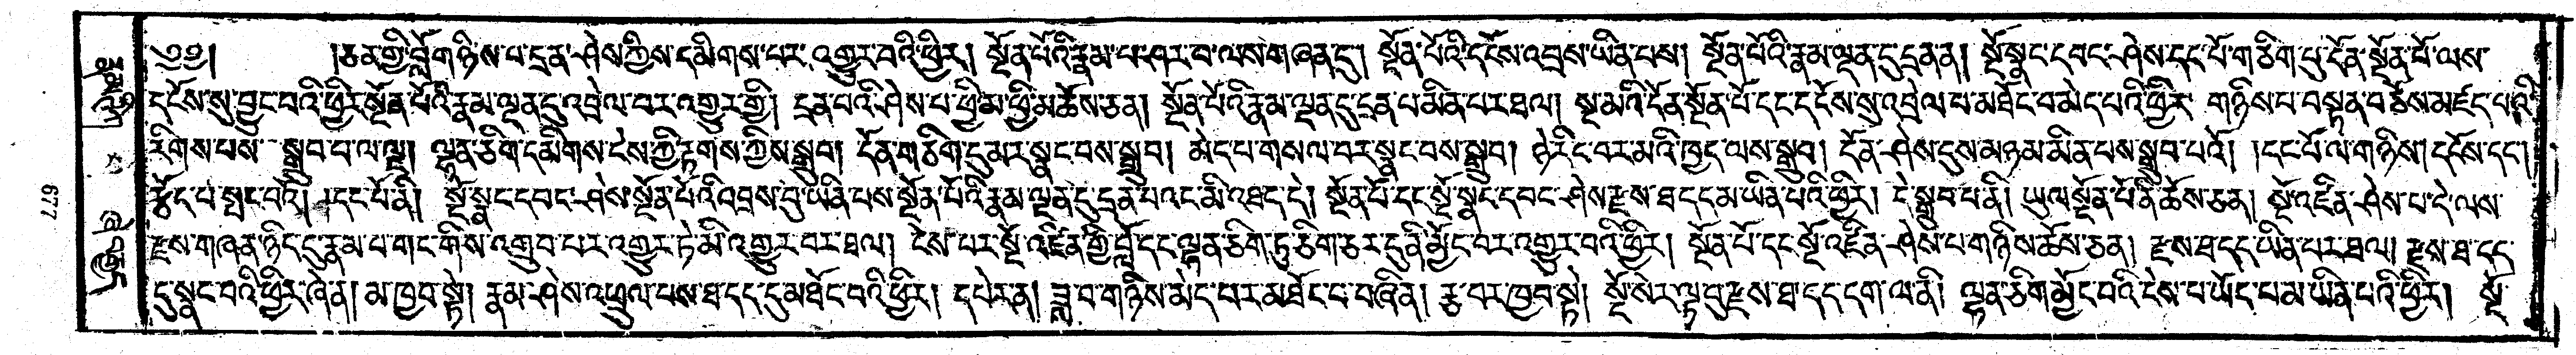༄༅། །ཅན་གྱི་བློ་གཉིས་པ་དྲན་ཤེས་ཀྱིས་དམིགས་པར་འགྱུར་བའི་ཕྱིར། སྔོན་པོའི་རྣམ་པ་ཤར་བ་ལས་གཞན་དུ། སྔོན་པོའི་དངོས་འབྲས་ཡིན་པས། སྔོན་པོའི་རྣམ་ལྡན་དུ་དྲན་ན། སྔོ་སྣང་དབང་ཤེས་དང་པོ་གཅིག་པུ་དོན་སྔོན་པོ་ལས་
དངོས་སུ་བྱུང་བའི་ཕྱིར་སྔོན་པོའི་རྣམ་ལྡན་དུ་འབྲེལ་བར་འགྱུར་གྱི། དྲན་པའི་ཤེས་པ་ཕྱི་མ་ཕྱི་མ་ཆོས་ཅན། སྔོན་པོའི་རྣམ་ལྡན་དུ་དྲན་པ་མིན་པར་ཐལ། སྔ་མའི་དོན་སྔོན་པོ་དང་དངོས་སུ་འབྲེལ་བ་མཐོང་བ་མེད་པའི་ཕྱིར། གཉིས་པ་བསྟན་བཅོས་མཛད་པའི་
རིགས་པས་སྒྲུབ་པ་ལ་ལྔ། ལྷན་ཅིག་དམིགས་ངེས་ཀྱི་རྟགས་ཀྱིས་སྒྲུབ། དོན་གཅིག་དུ་མར་སྣང་བས་སྒྲུབ། མེད་པ་གསལ་བར་སྣང་བས་སྒྲུབ། ཉེ་རིང་བར་མའི་ཁྱད་ལས་སྒྲུབ། དོན་ཤེས་དུས་མཉམ་མིན་པས་སྒྲུབ་པའོ། །དང་པོ་ལ་གཉིས། དངོས་དང་།
རྩོད་པ་སྤང་བའོ། །དང་པོ་ནི། སྔོ་སྣང་དབང་ཤེས་སྔོན་པོའི་འབྲས་བུ་ཡིན་པས་སྔོན་པོའི་རྣམ་ལྡན་དུ་དྲན་པའང་མི་འཐད་དེ། སྔོན་པོ་དང་སྔོ་སྣང་དབང་ཤེས་རྫས་ཐ་དད་མ་ཡིན་པའི་ཕྱིར། དེ་སྒྲུབ་པ་ནི། ཡུལ་སྔོན་པོ་ནི་ཆོས་ཅན། སྔོ་འཛིན་ཤེས་པ་དེ་ལས་
རྫས་གཞན་ཉིད་དུ་རྣམ་པ་གང་གིས་འགྲུབ་པར་འགྱུར་ཏེ་མི་འགྱུར་བར་ཐལ། ངེས་པར་སྔོ་འཛིན་གྱི་བློ་དང་ལྷན་ཅིག་ཏུ་ཅིག་ཅར་དུ་ནི་མྱོང་བར་འགྱུར་བའི་ཕྱིར། སྔོན་པོ་དང་སྔོ་འཛིན་ཤེས་པ་གཉིས་ཆོས་ཅན། རྫས་ཐ་དད་ཡིན་པར་ཐལ། རྫས་ཐ་དད་
དུ་སྣང་བའི་ཕྱིར་ཞེ་ན། མ་ཁྱབ་སྟེ། རྣམ་ཤེས་འཕྲུལ་པས་ཐ་དད་དུ་མཐོང་བའི་ཕྱིར། དཔེར་ན། ཟླ་བ་གཉིས་མེད་པར་མཐོང་བ་བཞིན། རྩ་བར་ཁྱབ་སྟེ། སྔོ་སེར་ལྟ་བུ་རྫས་ཐ་དད་དག་ལ་ནི། ལྷན་ཅིག་མྱོང་བའི་ངེས་པ་ཡོད་པ་མ་ཡིན་པའི་ཕྱིར། སྔོ་